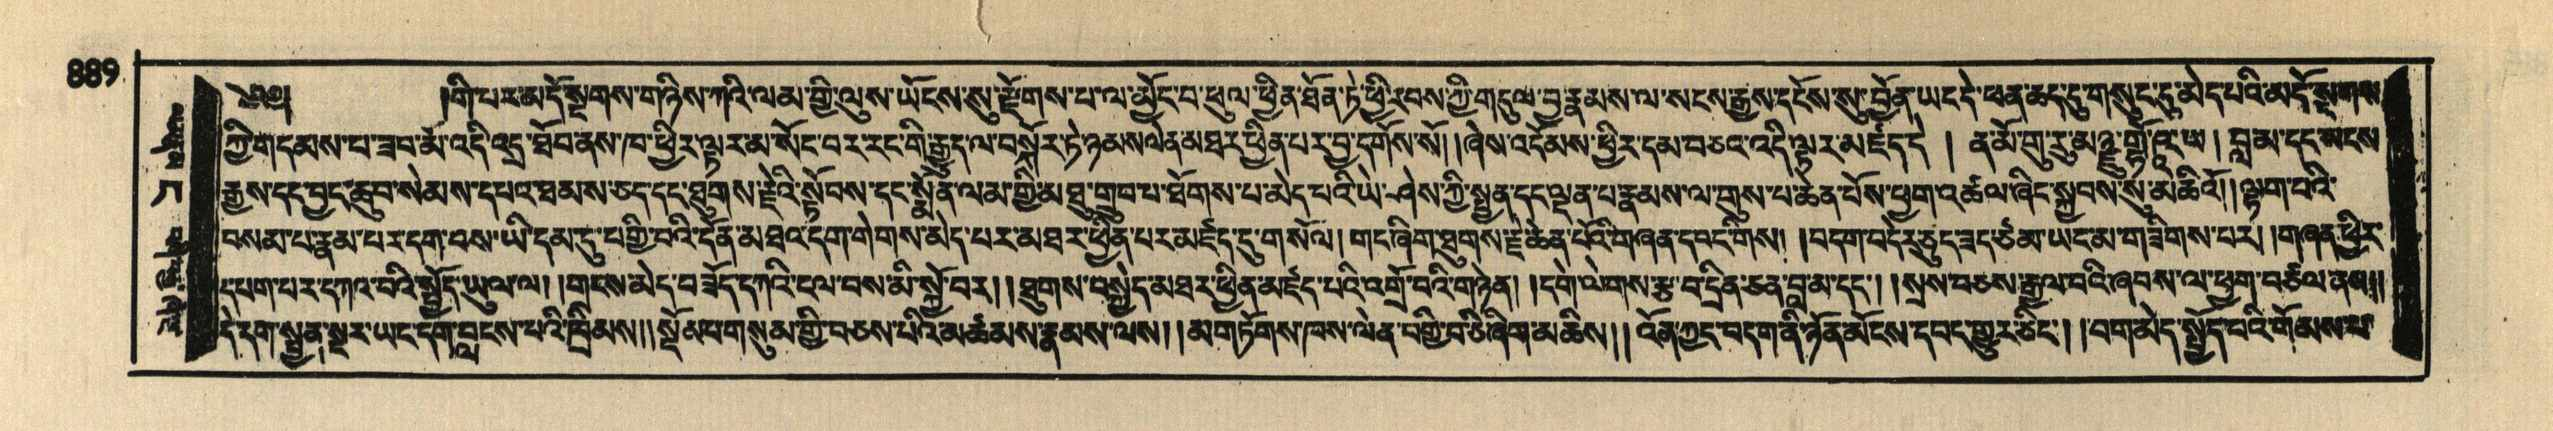༄༅། །གི་པར་མདོ་སྔགས་གཉིས་ཀའི་ལམ་གྱི་ལུས་ཡོངས་སུ་རྫོགས་པ་ལ་མྱོང་བ་ཕུལ་ཕྱིན་ཐོན་ཏེ་ཕྱི་རབས་ཀྱི་གདུལ་བྱ་རྣམས་ལ་སངས་རྒྱས་དངོས་སུ་བྱོན་ཡང་དེ་ཕན་ཆད་དུ་གསུང་དུ་མེད་པའི་མདོ་སྔགས་
ཀྱི་གདམས་པ་ཟབ་མོ་འདི་འདྲ་ཐོབ་ནས་ཁ་ཕྱིར་ལྟར་མ་སོང་བར་རང་གི་རྒྱུད་ལ་བསྐོར་ཏེ་ཉམས་ལེན་མཐར་ཕྱིན་པར་བྱ་དགོས་སོ། །ཞེས་འདོམས་ཕྱིར་དམ་བཅའ་འདི་ལྟར་མཛད་དེ་།ན་མོ་གུ་རུ་མཉྫུ་གྷོ་ཥཱ་ཡ། བླ་མ་དང་སངས་
རྒྱས་དང་བྱང་ཆུབ་སེམས་དཔའ་ཐམས་ཅད་དང་ཐུགས་རྗེའི་སྟོབས་དང་སྨོན་ལམ་གྱི་མཐུ་གྲུབ་པ་ཐོགས་པ་མེད་པའི་ཡེ་ཤེས་ཀྱི་སྤྱན་དང་ལྡན་པ་རྣམས་ལ་གུས་པ་ཆེན་པོས་ཕྱག་འཚལ་ཞིང་སྐྱབས་སུ་མཆིའོ། །ལྷག་པའི་
བསམ་པ་རྣམ་པར་དག་བས་ཡི་དམ་དུ་བགྱི་བའི་དོན་མཐའ་དག་གེགས་མེད་པར་མཐར་ཕྱིན་པར་མཛད་དུ་གསོལ། གང་ཞིག་ཐུགས་རྗེ་ཆེན་པོའི་གཞན་དབང་གིས། །བདག་བདེར་ཅུང་ཟད་ཙམ་ཡང་མ་གཟིགས་པར། །གཞན་ཕྱིར་
དཔག་པར་དཀའ་བའི་སྤྱོད་ཡུལ་ལ། །གྲངས་མེད་བཟོད་དཀའི་ངལ་བས་མི་སྐྱོ་བར། །ཐུགས་བསྐྱེད་མཐར་ཕྱིན་མཛད་པའི་འགྲོ་བའི་གཉེན། །དགེ་ལེགས་རྩ་བ་དྲིན་ཅན་བླ་མ་དང་། །སྲས་བཅས་རྒྱལ་བའི་ཞབས་ལ་ཕྱག་འཚལ་ནས། །
དེ་དག་སྤྱན་སྔར་ཡང་དག་བླངས་པའི་ཁྲིམས། །སྡོམ་པ་གསུམ་གྱི་བཅས་པའི་མཚམས་རྣམས་ལས། །མ་གཏོགས་ཁས་ལེན་བགྱི་བ་ཅི་ཞིག་མཆིས། །འོན་ཀྱང་བདག་ནི་ཉོན་མོངས་དབང་གྱུར་ཅིང་། །བག་མེད་སྤྱོད་པའི་གོམས་པ་